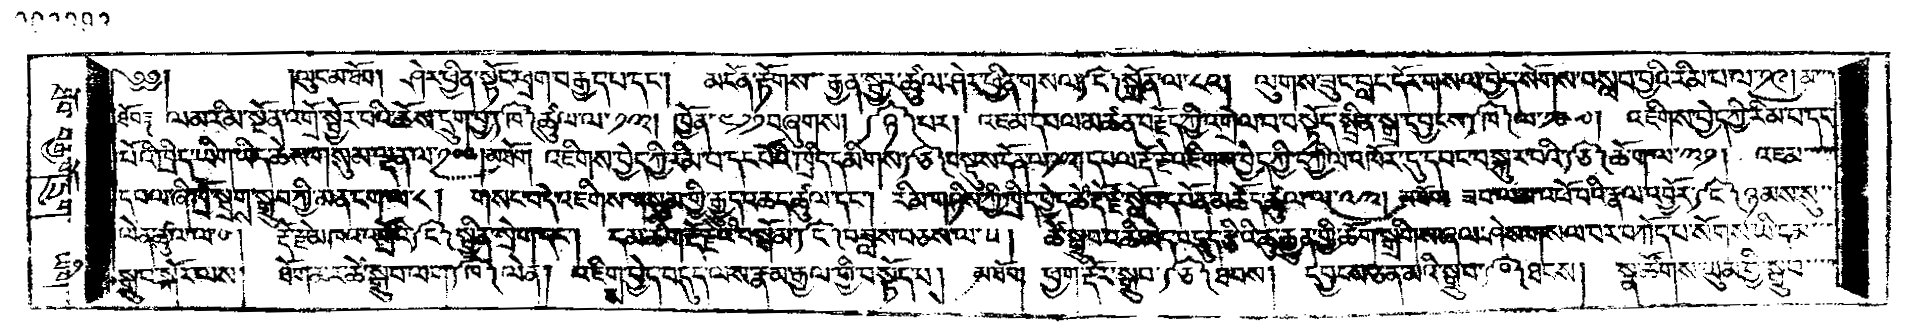༄༅། །ལུང་མ་ཐོབ། ཤེར་ཕྱིན་སྟོང་ཕྲག་བརྒྱད་པ་དང་། མངོན་རྟོགས་རྒྱན་སྦྱར་ཚུལ་ཤེར་ཕྱིན་གསལ ༼ང༽ སྒྲོན་ལ ༨༢། ལུགས་ཟུང་བླང་དོར་གསལ་བྱེད་སོགས་བསླབ་བྱའི་རིམ་པ་ལ ༡༩། མ་
ཐོབ༑ ལམ་རིམ་སྔོན་འགྲོ་སྦྱོར་བའི་ཆོས་དྲུག་བྱ ༼ཁ༽ ཚུལ་ལ ༡༣། ཁྱོན ༤༡༡་བཞུགས། ༼ཉ༽ པར། འཇམ་དཔལ་མཚན་བརྗོད་ཀྱི་འགྲེལ་བ་བསྟོད་སྤྲིན་སྒྲ་དབྱངས ༼ཁ༽ ལ ༡༦༧། འཇིགས་བྱེད་ཀྱི་རིམ་པ་དང་
པོའི་ཁྲིད་ཡིག་ཡིད་ཆེས་གསུམ་ལྡན་ལ ༡༠༠། མ་ཐོབ།  འཇིགས་བྱེད་ཀྱི་རིམ་པ་དང་པོའི་ཁྲིད་དམིགས ༼ཅ༽ བསྡུས་དོན་ལ ༡༣། དཔལ་རྡོ་རྗེ་འཇིགས་བྱེད་ཀྱི་དཀྱིལ་འཁོར་དུ་དབང་བསྐུར་བའི ༼ཅ༽ ཆོ་ག་ལ ༣༡། འཇམ་
དཔལ་ཞི་ཁྲོ་སྦྲགས་སྒྲུབ་ཀྱི་མན་ངག་ལ ༨། གསང་བདེ་འཇིགས་གསུམ་གྱི་རྒྱུད་འཆད་ཚུལ་དང་། རིམ་གཉིས་ཀྱི་ཁྲིད་བྱེད་ཚེ་རྡོ་རྗེ་སློབ་དཔོན་མཆོད་ཚུལ་ལ ༢༣། མ་ཐོབ།  ཟབ་ལམ་འཕོ་བའི་རྣལ་འབྱོར ༼ང༽ ཉམས་སུ་
ལེན་ཚུལ་ལ ༦། རྡོ་རྗེ་མཁའ་འགྲོའི ༼ང༽ སྦྱིན་སྲེག་དང་། དམ་ཚིག་རྡོ་རྗེའི་བསྒོམ ༼ང༽ བཟླས་བཅས་ལ ༥། ཚེ་སྒྲུབ་འཆི་མེད་བདུད་རྩིའི་ཆུ་རྒྱུན་གྱི་ཆོག་སྒྲིགས་ཞལ་ཤེས་གསལ་བར་བཀོད་པ་སོགས་ཡི་དམ་
སྒྲུབ་སྐོར་ལས། ཐོག་མར་ཚེ་སྒྲུབ་ལག ༼ཁ༽ ལེན། འཇིགས་བྱེད་བདུད་ལས་རྣམ་རྒྱལ་གྱི་བསྟོད་པ། མ་ཐོབ།  ཕྱག་རྡོར་སྒྲུབ ༼ཅ༽ ཐབས། དབྱངས་ཅན་མའི་སྒྲུབ ༼བ༽ ཐབས། སྣ་ཚོགས་ཡུམ་གྱི་སྒྲུབ་